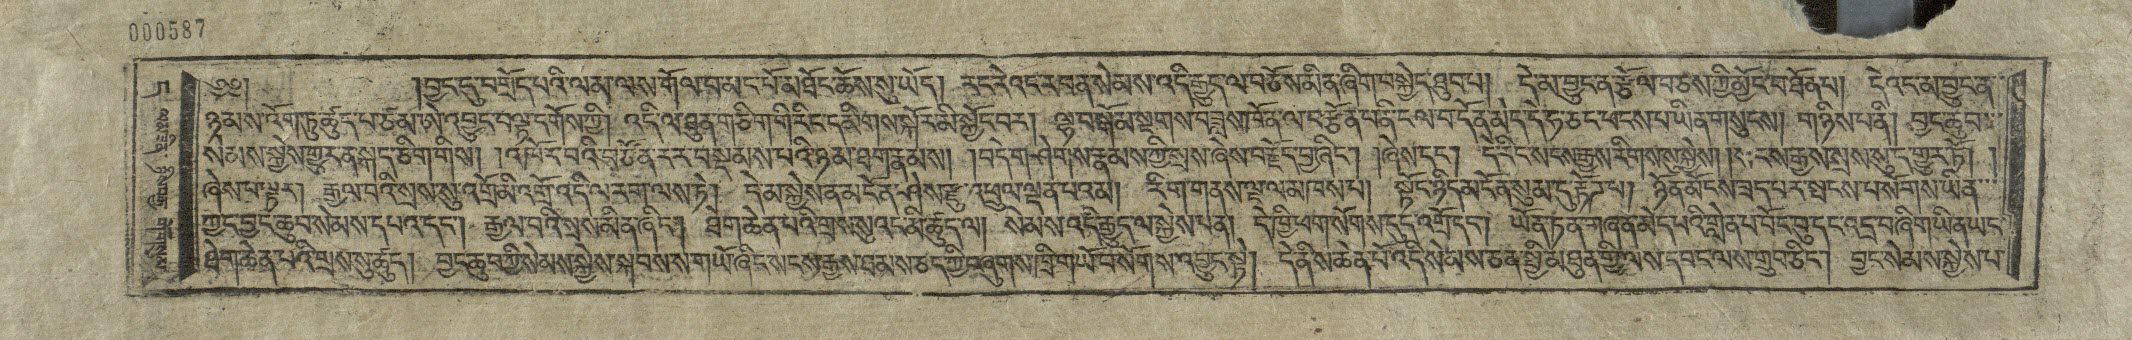༄༅། །བྱང་དུ་བགྲོད་པའི་ལམ་ལས་གོལ་བ་མང་པོ་མཐོང་ཆོས་སུ་ཡོད། རང་རེའང་རབ་ན་སེམས་འདི་རྒྱུད་ལ་བཅོས་མིན་ཞིག་བསྐྱེད་ཐུབ་པ། དེ་མ་བྱུང་ན་རྩོལ་བཅས་ཀྱི་མྱོང་བ་ཐོན་པ། དེའང་མ་བྱུང་ན་
ཉམས་འོག་ཏུ་ཚུད་པ་ཙམ་ཨེ་འབྱུང་བལྟ་དགོས་ཀྱི། འདི་ལ་ཐུན་གཅིག་གི་རིང་དམིགས་སྐོར་མི་སྐྱོང་བར། ལྷ་བསྒོམ་སྔགས་བཟླས་ཁོ་ན་ལ་བརྩོན་པ་ནི་ངལ་བ་དོན་མེད་དེ་ཧ་ཅང་ཕངས་པ་ཡིན་གསུངས། གཉིས་པ་ནི། བྱང་ཆུབ་
སེམས་སྐྱེས་གྱུར་ན་སྐད་ཅིག་གིས། །འཁོར་བའི་བཙོན་རར་བསྡམས་པའི་ཉམ་ཐག་རྣམས། །བདེ་གཤེགས་རྣམས་ཀྱི་སྲས་ཞེས་བརྗོད་བྱ་ཞིང་། །ཞེས་དང་། དེ་རིང་སངས་རྒྱས་རིགས་སུ་སྐྱེས། །སངས་རྒྱས་སྲས་སུ་ད་གྱུར་ཏོ། །
ཞེས་པ་ལྟར། རྒྱལ་བའི་སྲས་སུ་འགྲོ་མི་འགྲོ་འདི་ལ་རག་ལས་ཏེ། དེ་མ་སྐྱེས་ན་མངོན་ཤེས་རྫུ་འཕྲུལ་ལྡན་པའམ། རིག་གནས་ལྔ་ལ་མཁས་པ། སྟོང་ཉིད་མངོན་སུམ་དུ་རྟོགས་པ། ཉོན་མོངས་ཟད་པར་སྤངས་པ་སོགས་ཡིན་
ཀྱང་བྱང་ཆུབ་སེམས་དཔའ་དང་། རྒྱལ་བའི་སྲས་མིན་ཞིང་། ཐེག་ཆེན་པའི་གྲས་སུའང་མི་ཚུད་ལ། སེམས་འདི་རྒྱུད་ལ་སྐྱེས་པ་ན། དེ་ཁྱི་ཕག་སོགས་དུད་འགྲོ་དང་། ཡོན་ཏན་གཞན་མེད་པའི་གླེན་པ་བོང་བུ་དང་འདྲ་བ་ཞིག་ཡིན་ཡང་
ཐེག་ཆེན་པའི་གྲས་སུ་ཚུད། བྱང་ཆུབ་ཀྱི་སེམས་སྐྱེས་སྐབས་ས་གཡོ་ཞིང་སངས་རྒྱས་ཐམས་ཅད་ཀྱི་བཞུགས་ཁྲི་གཡོ་བ་སོགས་འབྱུང་སྟེ། དེ་ནི་ས་ཆེན་པོ་འདི་སེམས་ཅན་སྤྱི་མཐུན་གྱི་ལས་དབང་ལས་གྲུབ་ཅིང་། བྱང་སེམས་སྐྱེས་པ་